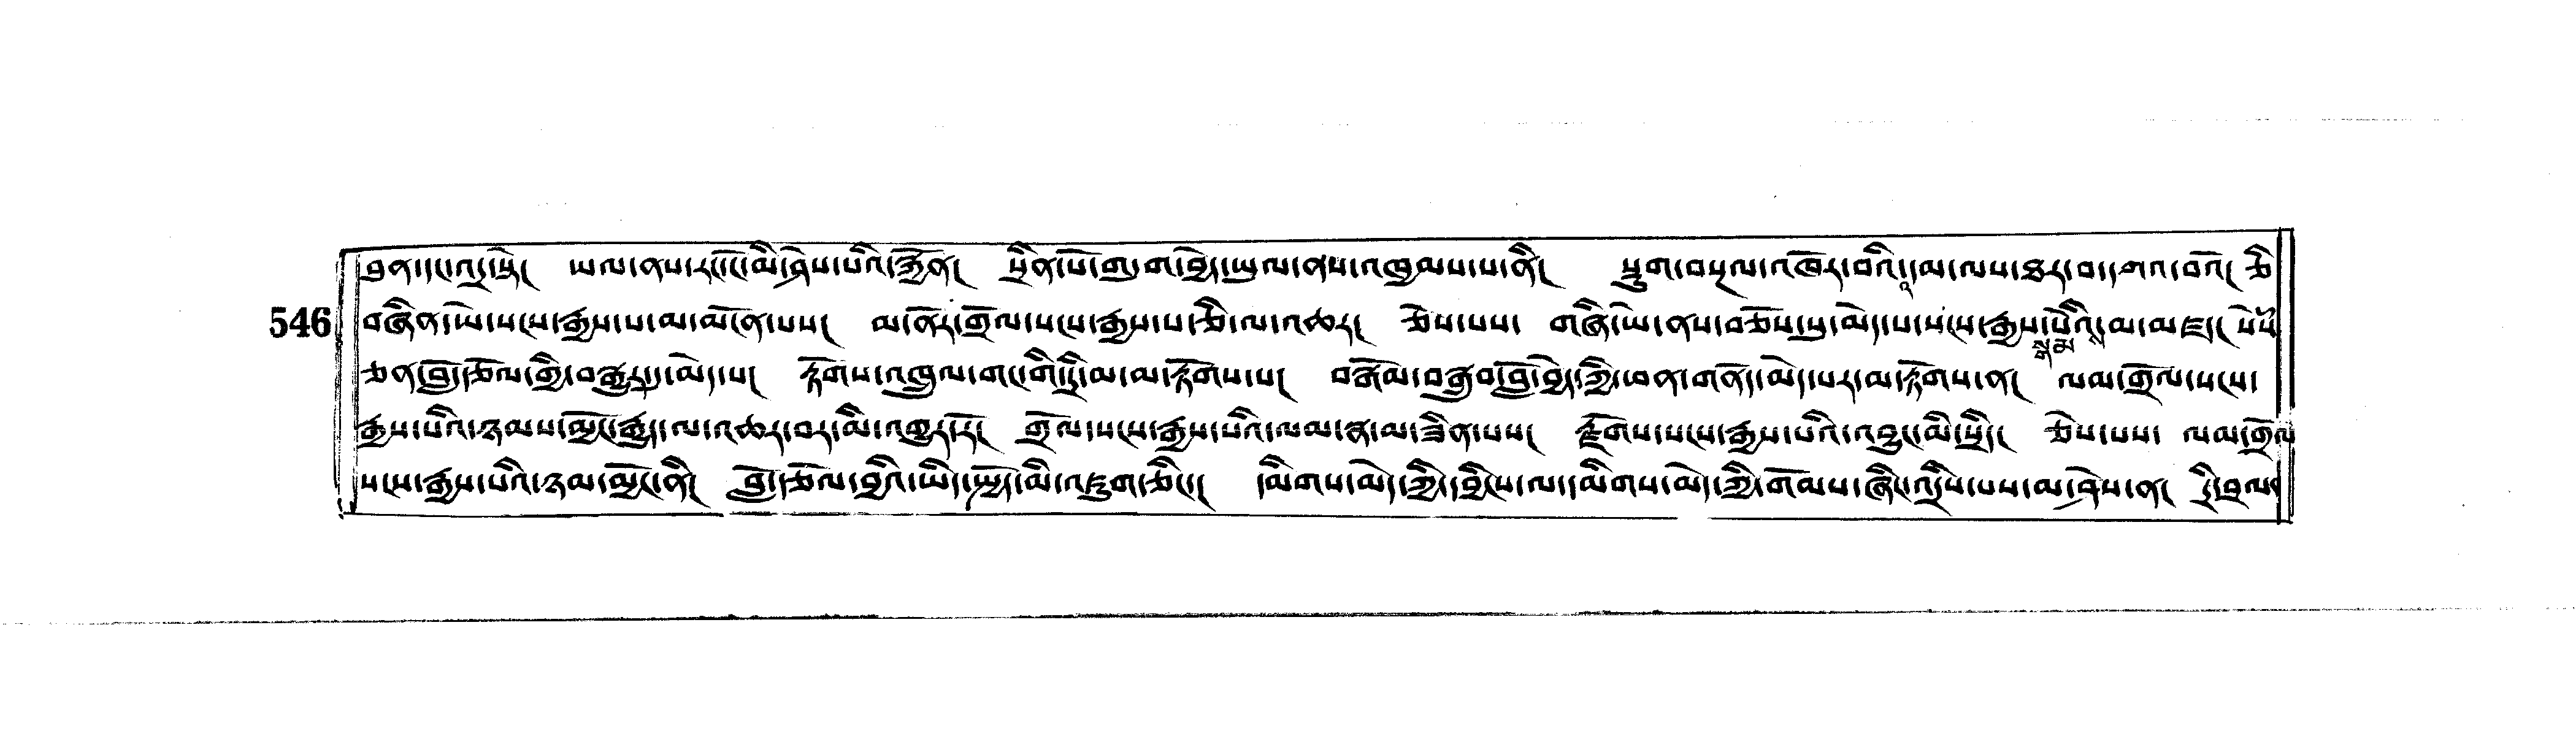བུན་དང་འདྲ་སྟེ། ཡལ་ནས་རང་ངོ་མི་ཤེས་པའི་སྐྱོན། སྲིན་པོ་གདུག་བྱེད་ཡུལ་ནས་འཁྱམས་པ་ནི། སྡུག་བསྔལ་འཁོར་བའི་འདམ་ནས་ཐར་བ་དཀའ་བའོ། ཅི་
བཞིན་ཡེ་སངས་རྒྱས་པ་མ་མངོན་པས། མ་ནོར་གྲོལ་སངས་རྒྱས་པ་ཅི་ལ་འཆར། ཅེས་པས། གཞི་ཡེ་ནས་བཅོས་སུ་མེད་པ་སངས་རྒྱས་སྒམ་པོས་མ་མཛད། སེམས་
ཅན་བློ་རྩོལ་གྱིས་བསྒྱུར་དུ་མེད་པ། རྟོག་འཁྲུལ་གང་གིས་དྲི་མ་མ་རྟོགས་པ། སྒོམ་སྒྲུབ་བློ་བྱེད་ཀྱི་ཕན་གནོད་མེད་པར་མ་རྟོགས་ན། ལམ་གྲོལ་སངས་
རྒྱས་པའི་ཉམས་མྱོང་རྒྱུད་ལ་འཆར་བར་མི་འགྱུར་རོ། གྲོལ་སངས་རྒྱས་པའི་ལམ་སྣ་མ་ཟིན་པས། རྫོགས་སངས་རྒྱས་པ་འབྱུང་མི་སྲིད། ཅེས་པས། ལམ་གྲོལ་
སངས་རྒྱས་པའི་ཉམས་མྱོང་ནི། བློ་རྩོལ་བྱའི་ཡིད་དཔྱོད་མི་འཇུག་ཅིང་། དམིགས་མེད་ཀྱི་དབྱིངས་ལ་དམིགས་མེད་ཀྱི་གོམས་ཤིང་འདྲིས་པས་མ་ཤེས་ན། དྲི་བྲལ་